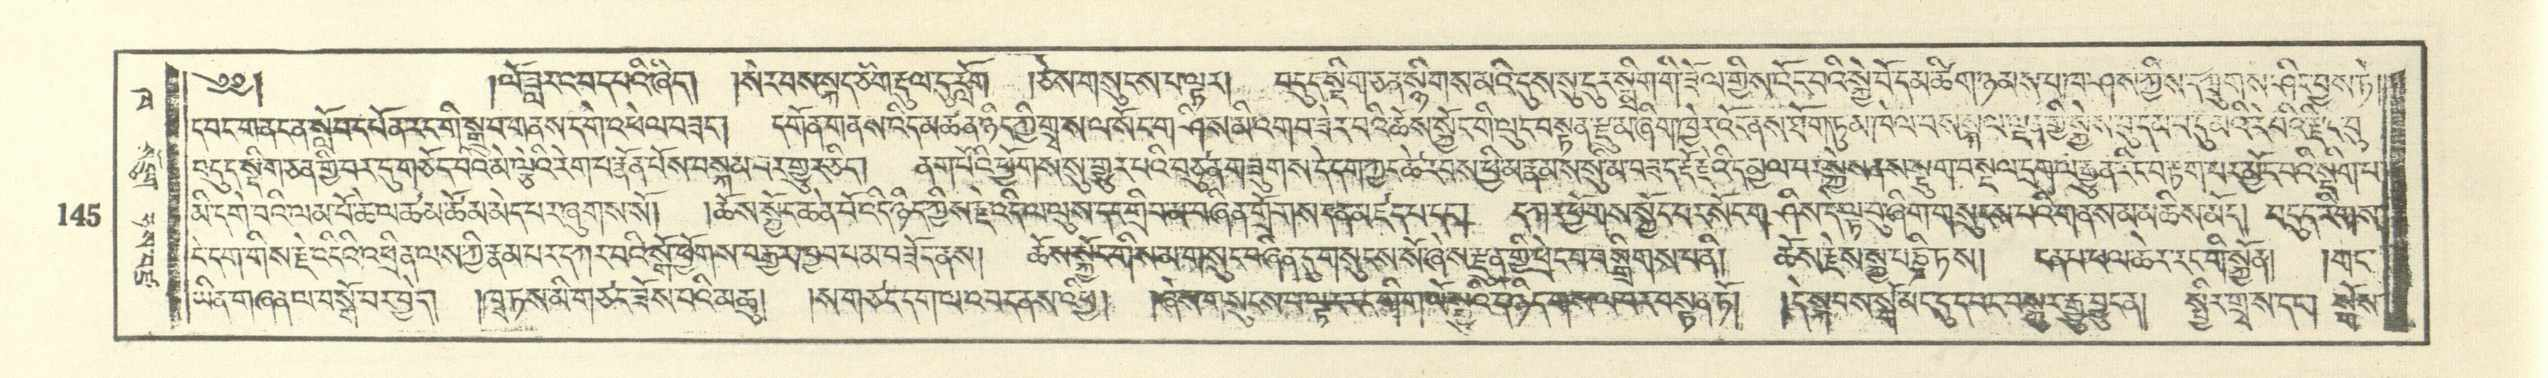༄༅། །ལོ་ཟླར་འབད་པའི་ཞིད། །སེར་བས་སྐད་ཅིག་རྡུལ་དུ་རློག །ཅེས་གསུངས་པ་ལྷར། བདུད་སྡིག་ཅན་སྙིགས་མའི་དུས་སུ་དུར་སྨྲིག་གི་ཟོལ་གྱིས་འོང་བའི་སྐྱེ་བོ་དམ་ཚིག་ཉམས་པ་ཁ་ཤས་ཀྱིས་དཀྲུགས་ཤིང་བྱས་ཏེ།
དབང་གནང་ན་སློབ་དཔོན་རང་གི་སྒྲུབ་གནས་དགེ་འཕེལ་བཟང་། དགོན་གནས་འདི་མཚན་ཉིད་ཀྱི་གྲྭ་ས་ལ་སོང་གཤིས་མི་འགབ་ཟེར་བའི་ཆོས་སྐྱོང་གི་ལུང་བསྟན་རྫུ་མ་ཞིག་ཁྱེར་འོང་ནས་ཐོག་ཏུ་མ་ཁེལ་བས་སྐལ་ལྡན་གྱི་སྐྱེས་བུ་དམ་པ་དུ་མའི་རེ་བའི་རྫིང་བུ་
བདུད་སྡིག་ཅན་གྱི་བར་དུ་གཅོད་པའི་མེ་ལྕེའི་རེག་པ་རྣོན་པོས་བསྐམ་པར་གྱུར་ཅིང་། ནག་པོའི་ཕྱོགས་སུ་གྱུར་པའི་བཙུན་གཟུགས་དེ་དག་ཀྱང་ཚེ་རབས་ཕྱི་མ་རྣམས་སུ་མི་བཟད་རྡོ་རྗེའི་དམྱལ་བར་སྐྱེས་ནས་སྡུག་བསྔལ་དྲག་ལ་རྒྱུན་རིང་བརྟག་པར་མྱོང་བའི་སྡིག་པ་
མི་དགེ་བའི་ལམ་པོ་ཆེ་ལ་ཚམ་ཚོམ་མེད་པར་ཞུགས་སོ། །ཆོས་སྐྱོང་ཆེན་པོ་འདི་ཉིད་ཀྱིས་རྗེ་འདི་ལ་ལུས་དང་གྲིབ་མ་བཞིན་གྲོགས་དན་མཛད་པ་དང་། དཀར་ཕྱོགས་སྐྱོང་བར་སོང་གཤིས་དེ་ལྟ་བུ་ཞིག་གསུངས་པའི་གནས་མ་མཆིས་མོད། བདུད་རིགས་
དེ་དག་གིས་རྗེ་འདིའི་འཕྲིན་ལས་ཀྱི་རྣམ་པར་དཀར་བའི་སྒོ་ཕྱོགས་བརྒྱར་ཁྱབ་པ་མ་བཟོད་ནས། ཆོས་སྐྱོང་གིས་མ་གསུང་བཞིན་དུ་གསུངས་སོ་ཞེས་རྫུན་གྱི་ཕྲེང་བ་བསྒྲིགས་པ་ནི། ཆོས་རྗེས་སྐྱ་པཎྜི་ཏས། ངན་པ་ཕལ་ཆེར་རང་གི་སྐྱོན། །གང་
ཡིན་གཞན་ལ་བསྒོ་བར་བྱེད། །ཁྭ་ཏ་ས་མི་གཙང་ཟོས་པའི་མཆུ། །ས་གཙང་དག་ལ་འབད་ནས་འཕྱི། །ཞེས་གསུངས་པ་ལྟར་རང་གི་གཡོ་སྒྱུ་འདི་ཉིད་གསལ་བར་བསྟན་ཏོ། །དེ་སྐབས་སྒོ་མང་དུ་དབང་བསྐུར་རྒྱུ་བྱུང་ན། སྤྱིར་གྲྭ་ས་དང་། སྒོས་